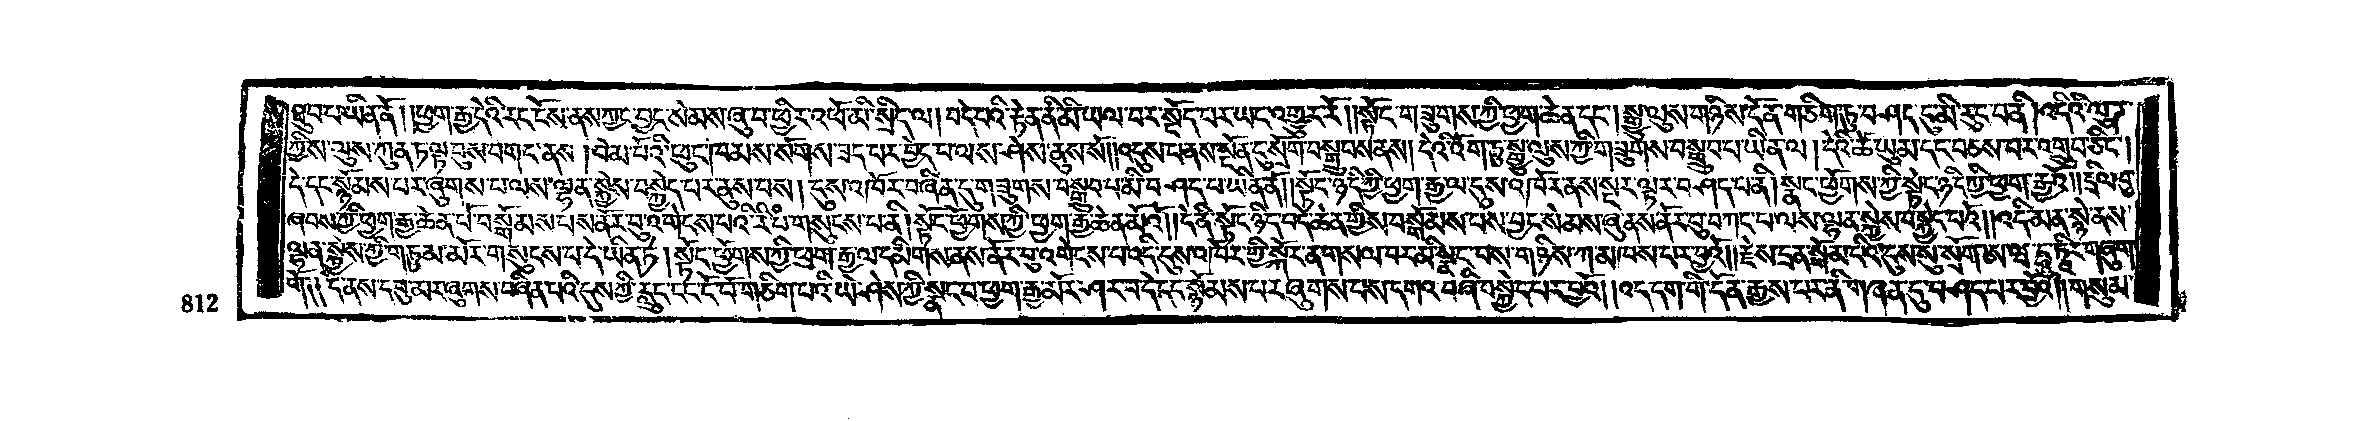ཐུབ་པ་ཡིན་ནོ། །ཕྱག་རྒྱ་དེའི་རང་ངོས་ནས་ཀྱང་བྱང་སེམས་ཞུ་བ་ཕྱིར་འཕོ་མི་སྲིད་ལ། བདེ་བའི་རྟེན་ནི་མི་ཡལ་བར་སྔོད་པར་ཡང་འགྱུར་རོ། །སྟོང་གཟུགས་ཀྱི་ཕྱག་ཆེན་དང་། སྒྱུ་ལུས་གཉིས་དོན་གཅིག་ཏུ་བཤད་དུ་མི་རུང་བ་ནི། འདིའི་ལུགས་
ཀྱིས་ལུས་ཀུན་ཏ་ལྟ་བུས་བ་གང་ནས། བེམ་པོའི་ཕུང་ཁམས་སོགས་ཟད་པར་བྱེད་པ་ལས་ཤེས་ནུས་སོ། །འདུས་པ་ནས་སྔོན་དུ་སྲོག་བསྒྲུབས་ནས། དེའི་འོག་ཏུ་སྒྱུ་ལུས་ཀྱི་གཟུགས་བསྒྲུབ་པ་ཡིན་ལ། དེའི་ཚེ་ཡུམ་དང་བཅས་པར་འགྲུབ་ཅིང་།
དེ་དང་སྙོམས་པར་ཞུགས་པ་ལས་ལྷན་སྐྱེས་བསྐྱེད་པར་ནུས་པས། དུས་འཁོར་བཞིན་དུ་གཟུགས་བསྒྲུབ་པ་མི་བཤད་པ་ཡིན་ནོ། །སྟོང་ཉིད་ཀྱི་ཕྱག་རྒྱ་ལ་དུས་འཁོར་ནས་སྔར་ལྟར་བཤད་པ་ནི། སྣང་ཕྱོགས་ཀྱི་སྟོང་ཉིད་ཀྱི་ཕྱག་རྒྱའོ། །དྲིལ་བུ་
ཞབས་ཀྱི་ཕྱག་རྒྱ་ཆེན་པོ་བསྒོམས་པས་ནོར་བུ་འགེངས་པའི་རི་བམ་གསུངས་པ་ནི། སྟོང་ཕྱོགས་ཀྱི་ཕྱག་རྒྱ་ཆེན་མོའོ། །དེ་ནི་སྟོང་ཉིད་བདེ་ཆེན་གྱིས་བསྒོམས་པས་བྱང་སེམས་ཞུ་ནས་ནོར་བུ་བཀང་པ་ལས་ལྷན་སྐྱེས་བསྐྱེད་པའོ། །འདི་མན་སྙེ་ནས་
ལྷན་སྐྱེས་ཀྱི་གཏུམ་མོར་གསུངས་པ་དེ་ཡིན་ཏེ། སྟོང་ཕྱོགས་ཀྱི་ཕྱག་རྒྱ་ལ་དམིགས་ནས་ནོར་བུ་འགེངས་པ་འདི་དུས་འཁོར་གྱི་སྐོར་ན་གསལ་བར་མི་སྣང་བས་གཉིས་ཀ་མཁས་པར་བྱའོ། །རྗེས་དྲན་སྒོམ་པའི་དུས་སུ་སྲོག་ཨ་ཝ་དྷཱུ་ཏཱིར་གཞུག་
གོ༑ ༑དེ་ནས་དབུ་མར་ཞུགས་བཞིན་པའི་དུས་ཀྱི་རླུང་དང་ངོ་བོ་གཅིག་པའི་ཡེ་ཤེས་ཀྱི་སྣང་བ་ཕྱག་རྒྱ་མོར་ཤར་བ་དེ་དང་སྙོམས་པར་ཞུགས་པས་དགའ་བཞི་བསྐྱེད་པར་བྱའོ། །འདི་དག་གི་དོན་རྒྱས་པར་ནི་གཞན་དུ་བཤད་པར་བྱའོ། །གསུམ་